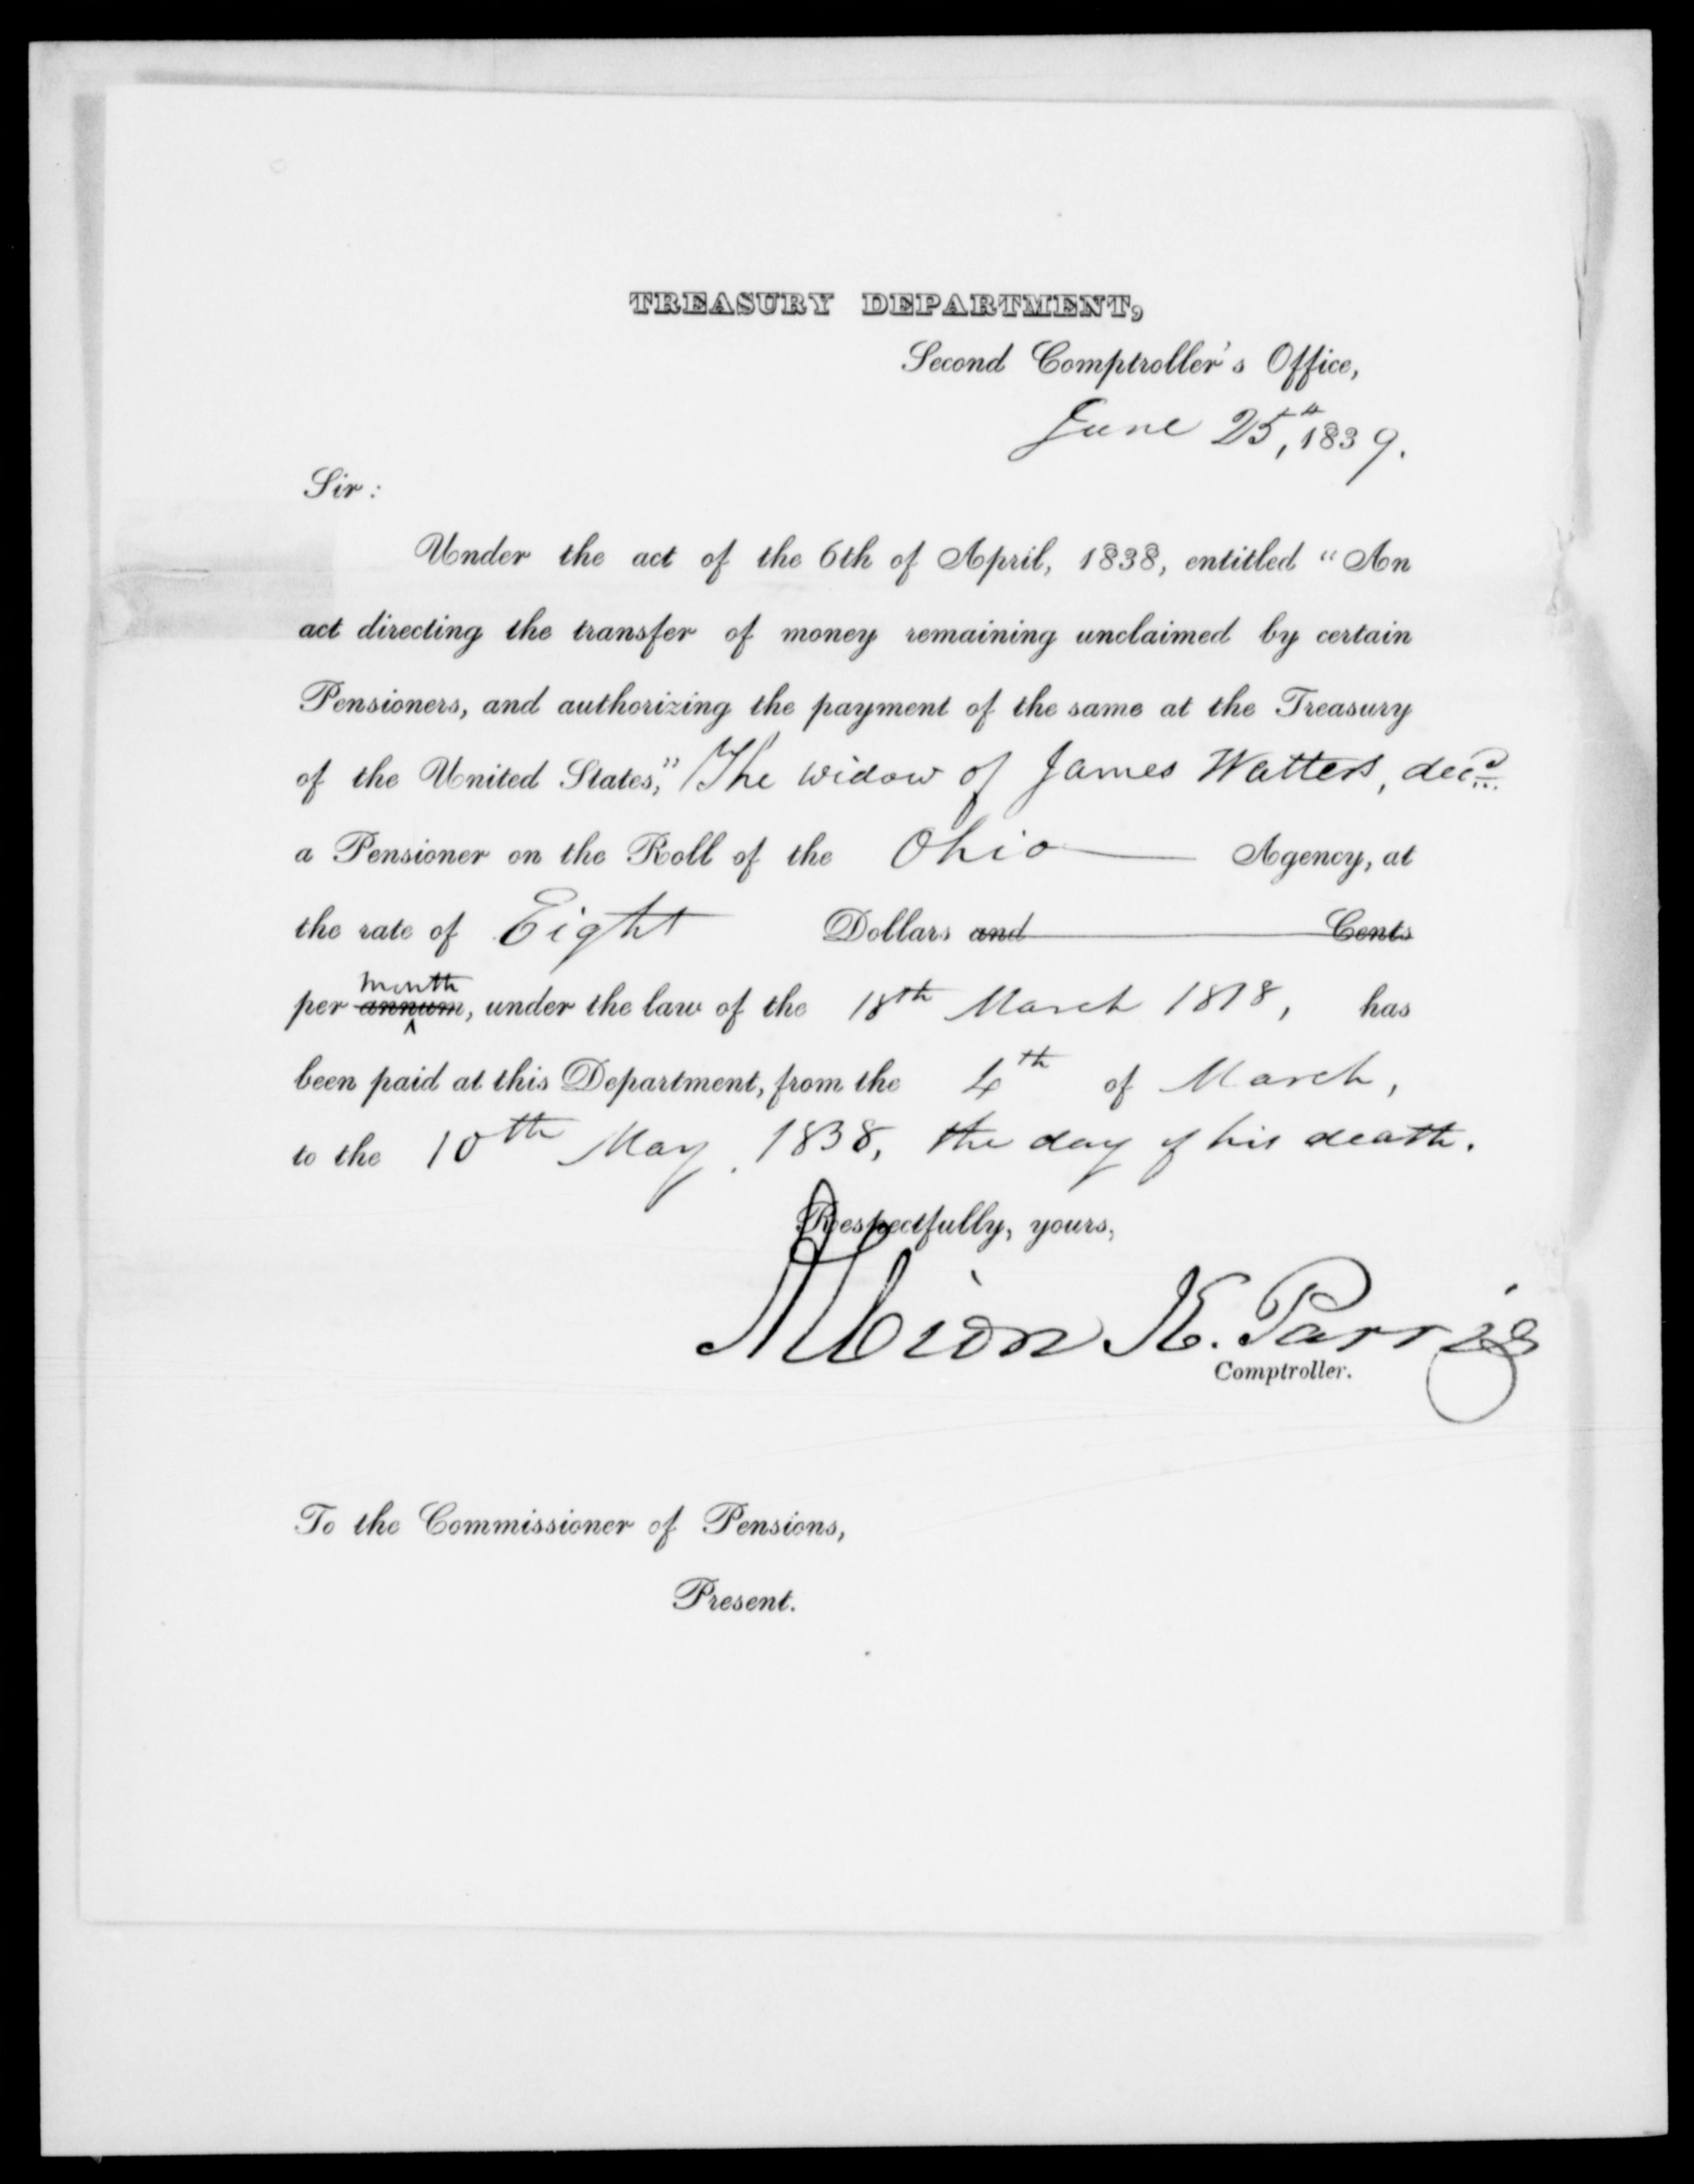TREASURY DEPARTMENT
Second Comptroller's Office,
June 25, 1839.

Sir:
Under the act of the 6th of April, 1838, entitled "An act directing the transfer of money remaining unclaimed by certain Pensioners, and authorizing the payment of the same at the Treasury of the United States," The widow of James Watters, decd. a Pensioner on the Roll of the Ohio Agency, at the rate of Eight Dollars 
per month, the law of the 18th March 1818, has been paid at this Department, from the 4th of March, to the 10th May. 1838, the day of his death.
Respectfully, yours,
Albion K Parris
Comptroller.

To the Commissioner of Pensions,
Present.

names: Albion K Parris, James Watters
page: 10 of 29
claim: survivor's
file: S. 40642, James Waters, Continental (Md)